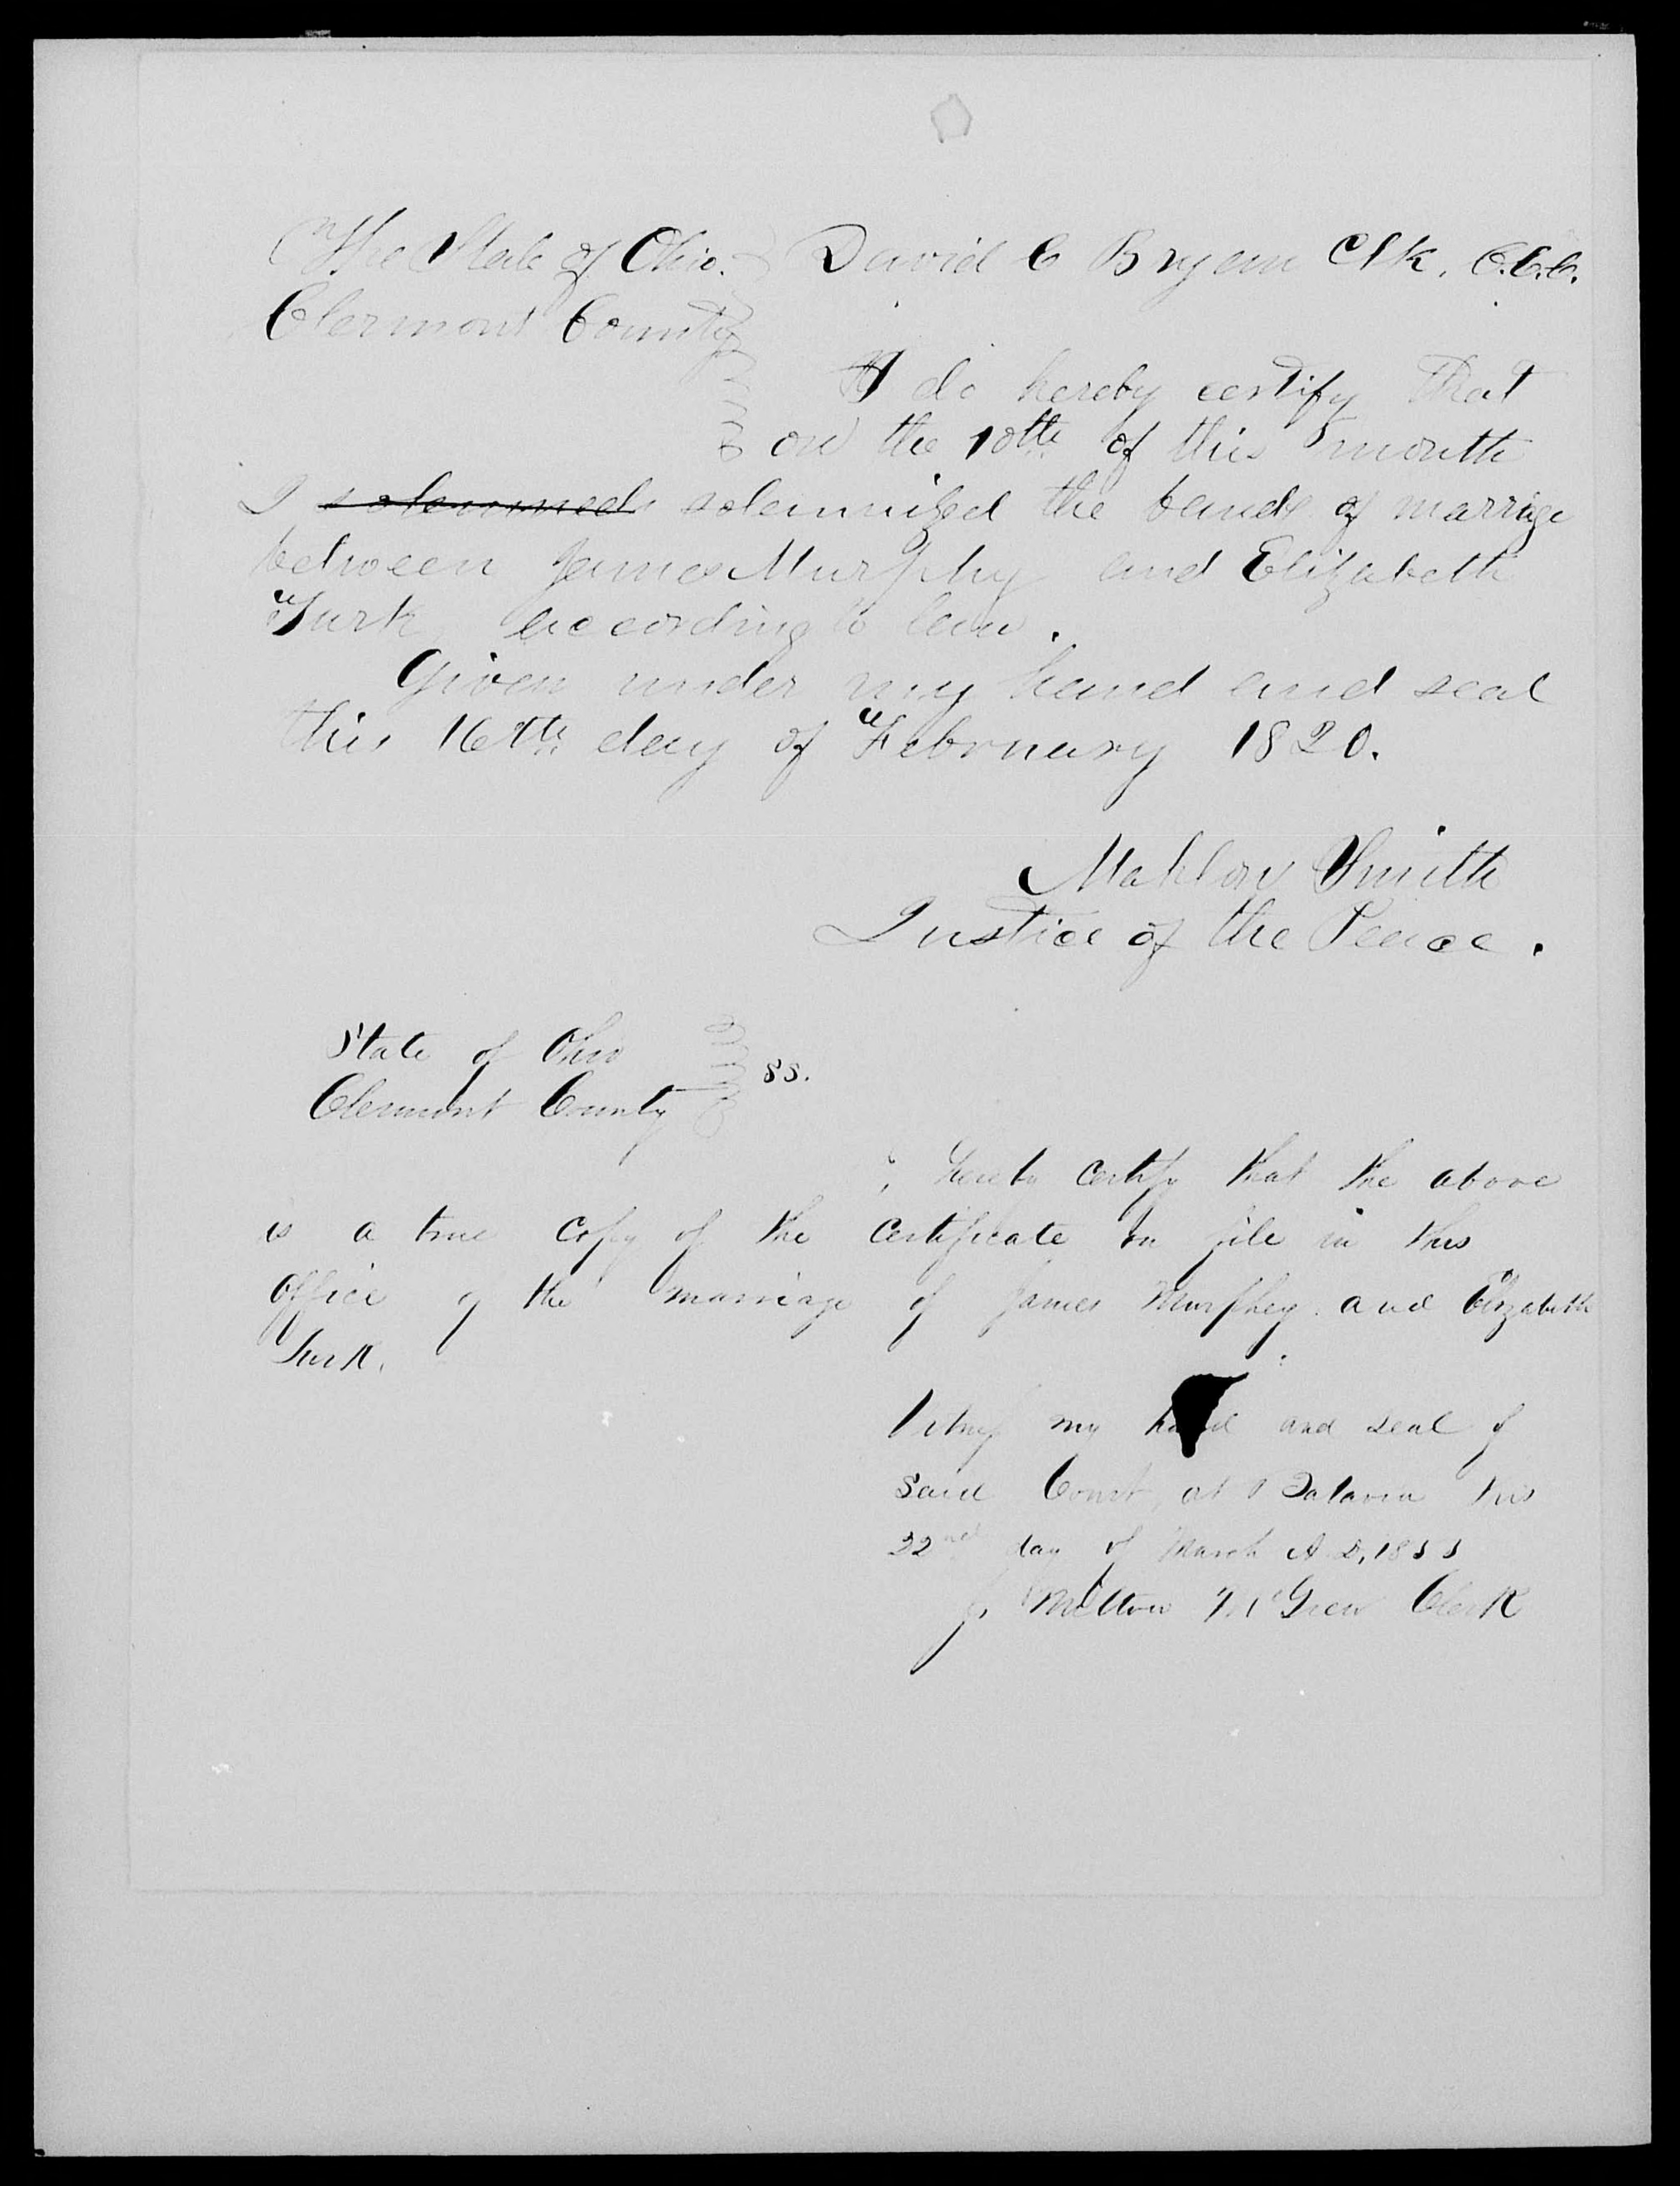The State of Ohio. David C. Bryan Clk. C.C.C.
Clermont County

I do hereby certify that
on the 10th of this month
I send solemnized the bands of marriage
between James Murphy and Elizabeth
York according to law.
Given under my hand and seal
this 16th day of February 1820
Mahlon Smith /s/
Justice of the Peace

State of Ohio
Clermont County   SS.
Office
I hereby certify that the above
is a true copy of the certificate on file in this
office of the marriage of James Murphey and Elizabeth
Turk.
[  ] my hand and seal of
said Court,  at [   ] this
22nd day of March A.D. 1855
J Milton McGrew Clerk /s/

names: Mahlow Smith; James Murphy; David C Bryan; Elizabeth Turk; Milton Mc Greer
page: 26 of 57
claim: widow's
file: W. 25,739, for James Murphey, Pennsylvania